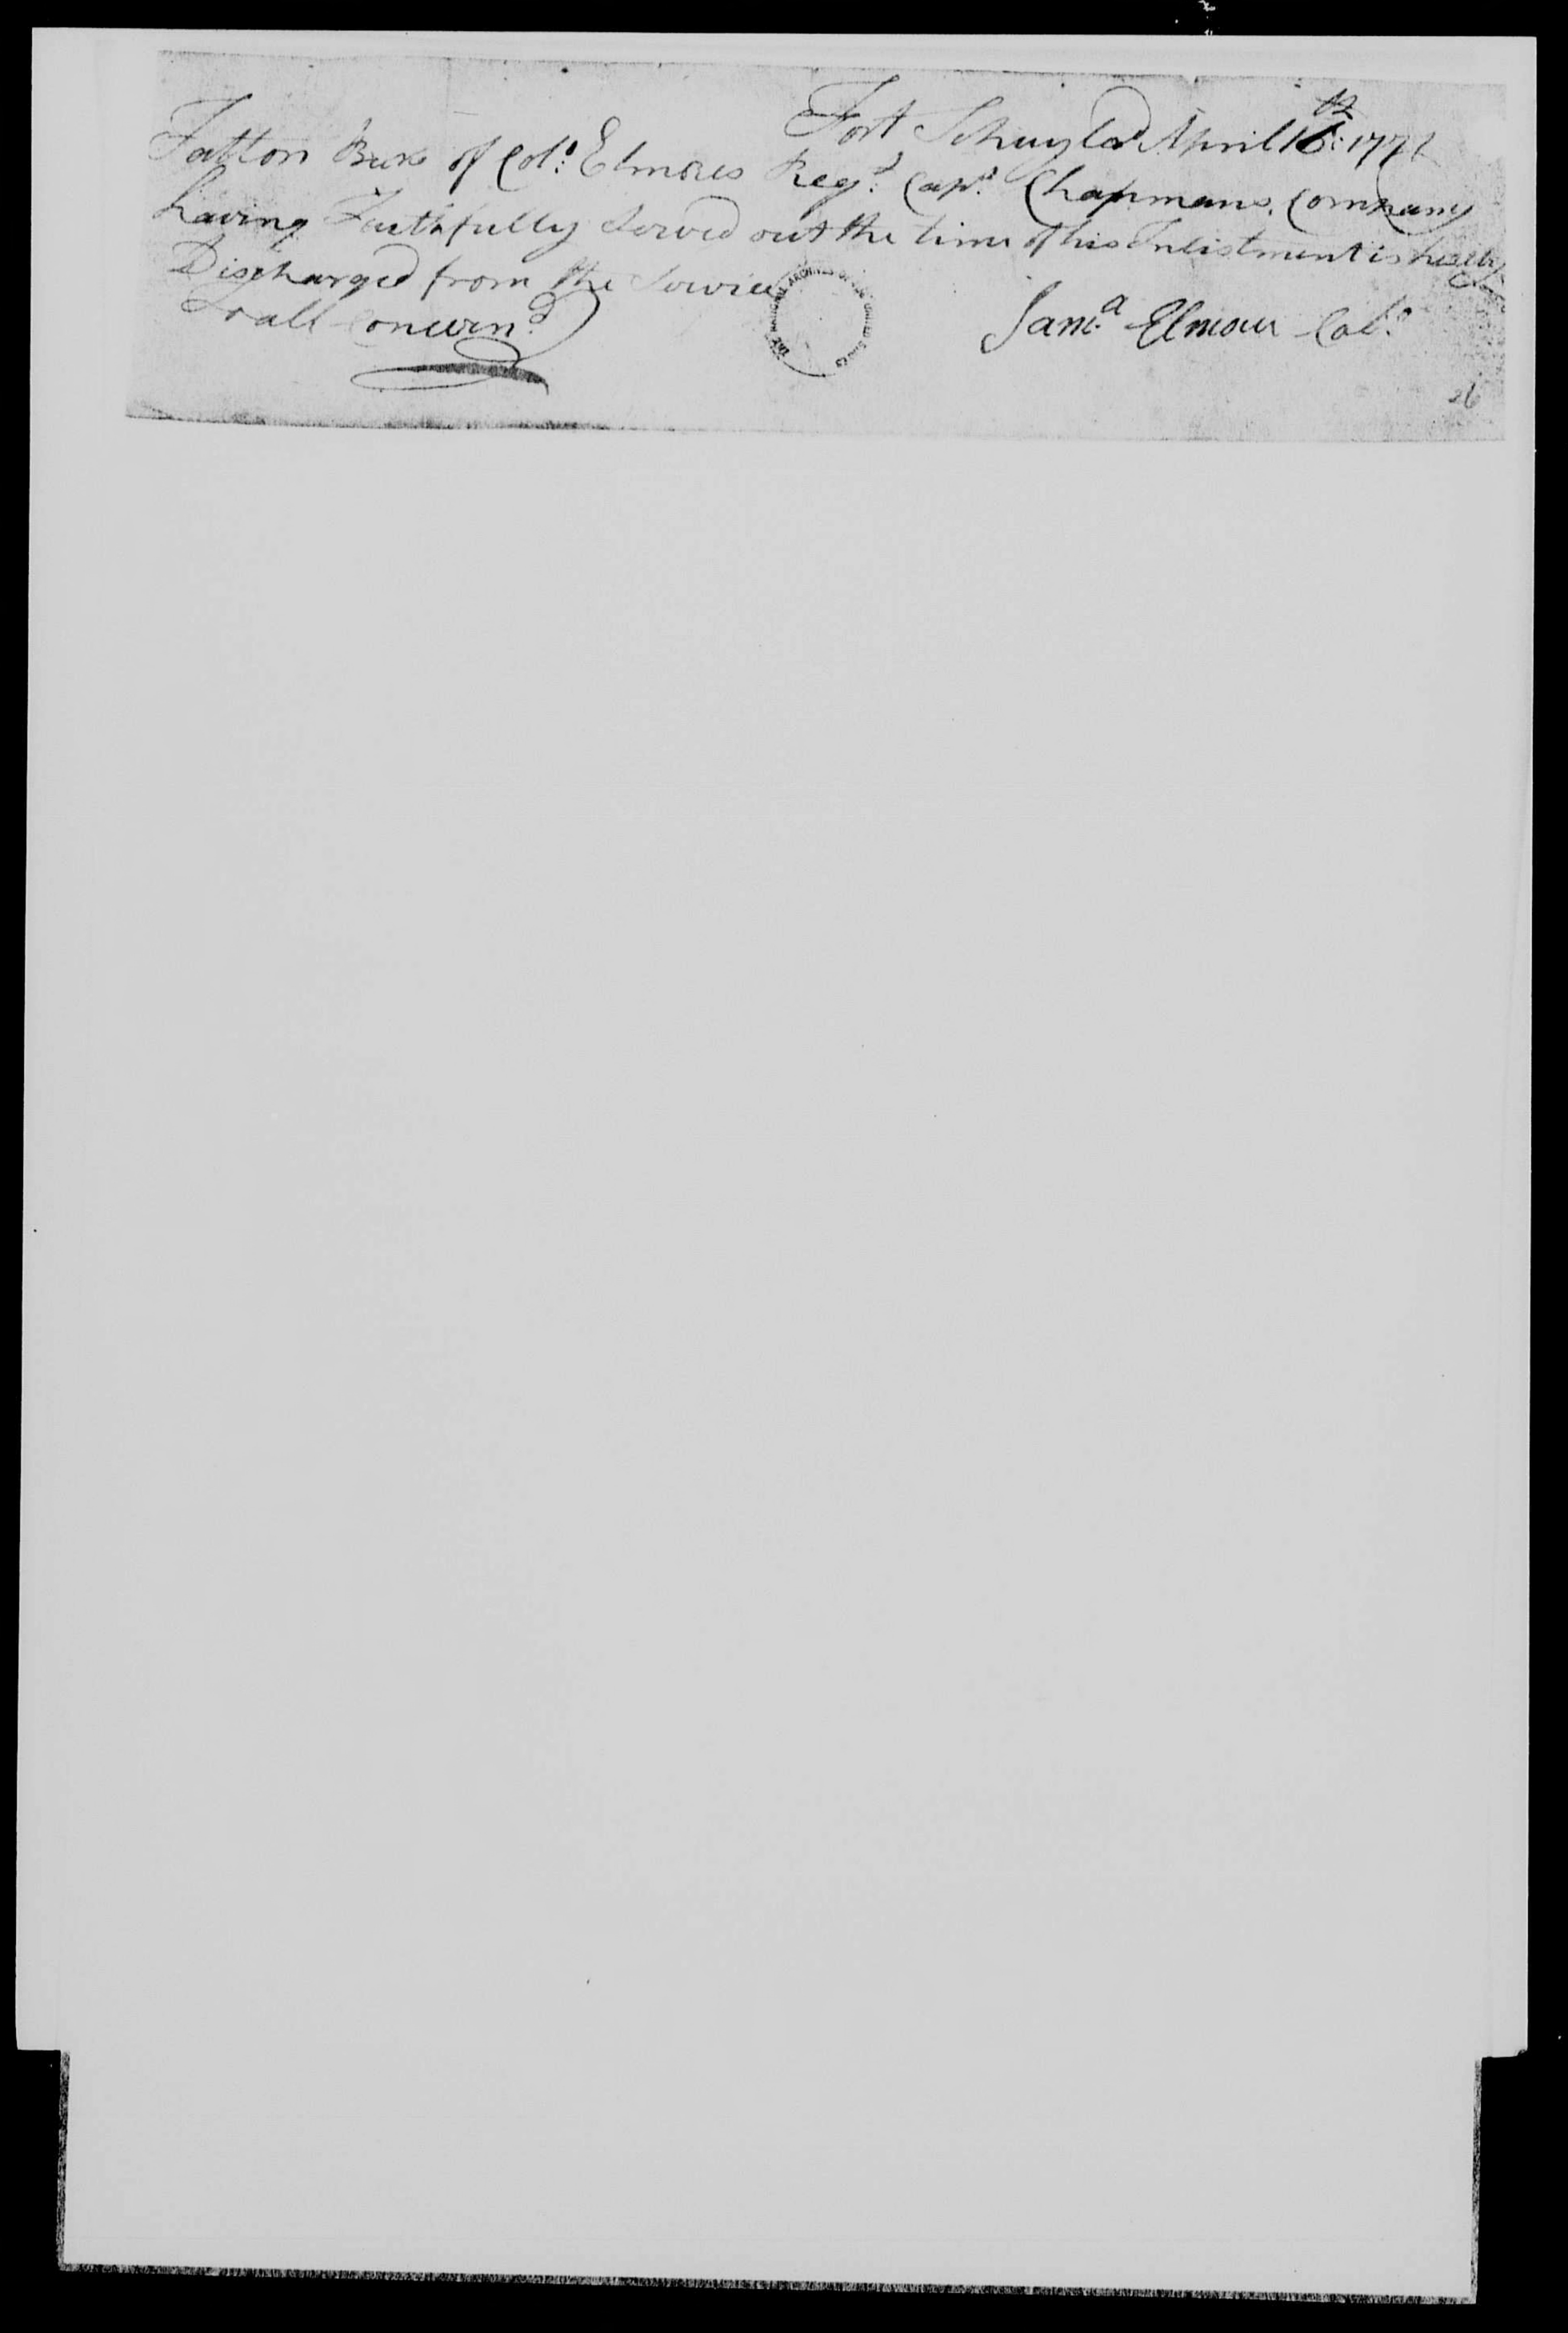*Left Side*

Fanton Beers of COl. Elmores 
having faithfully served out the time of his enlistment is [illegible] 
Discharged from the Service 
Trall Concorn'd 

*Right side(
Fort Schuylar April 16th 1777
Reg't Capt. Chapmans Company

Sam'a Elmour Col.
26

*stamp*
The National archives of the United States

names: Fatton Beers, Sama Elmour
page: 11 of 23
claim: survivor's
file: S. 37,750, Fanton Beers, Conn.